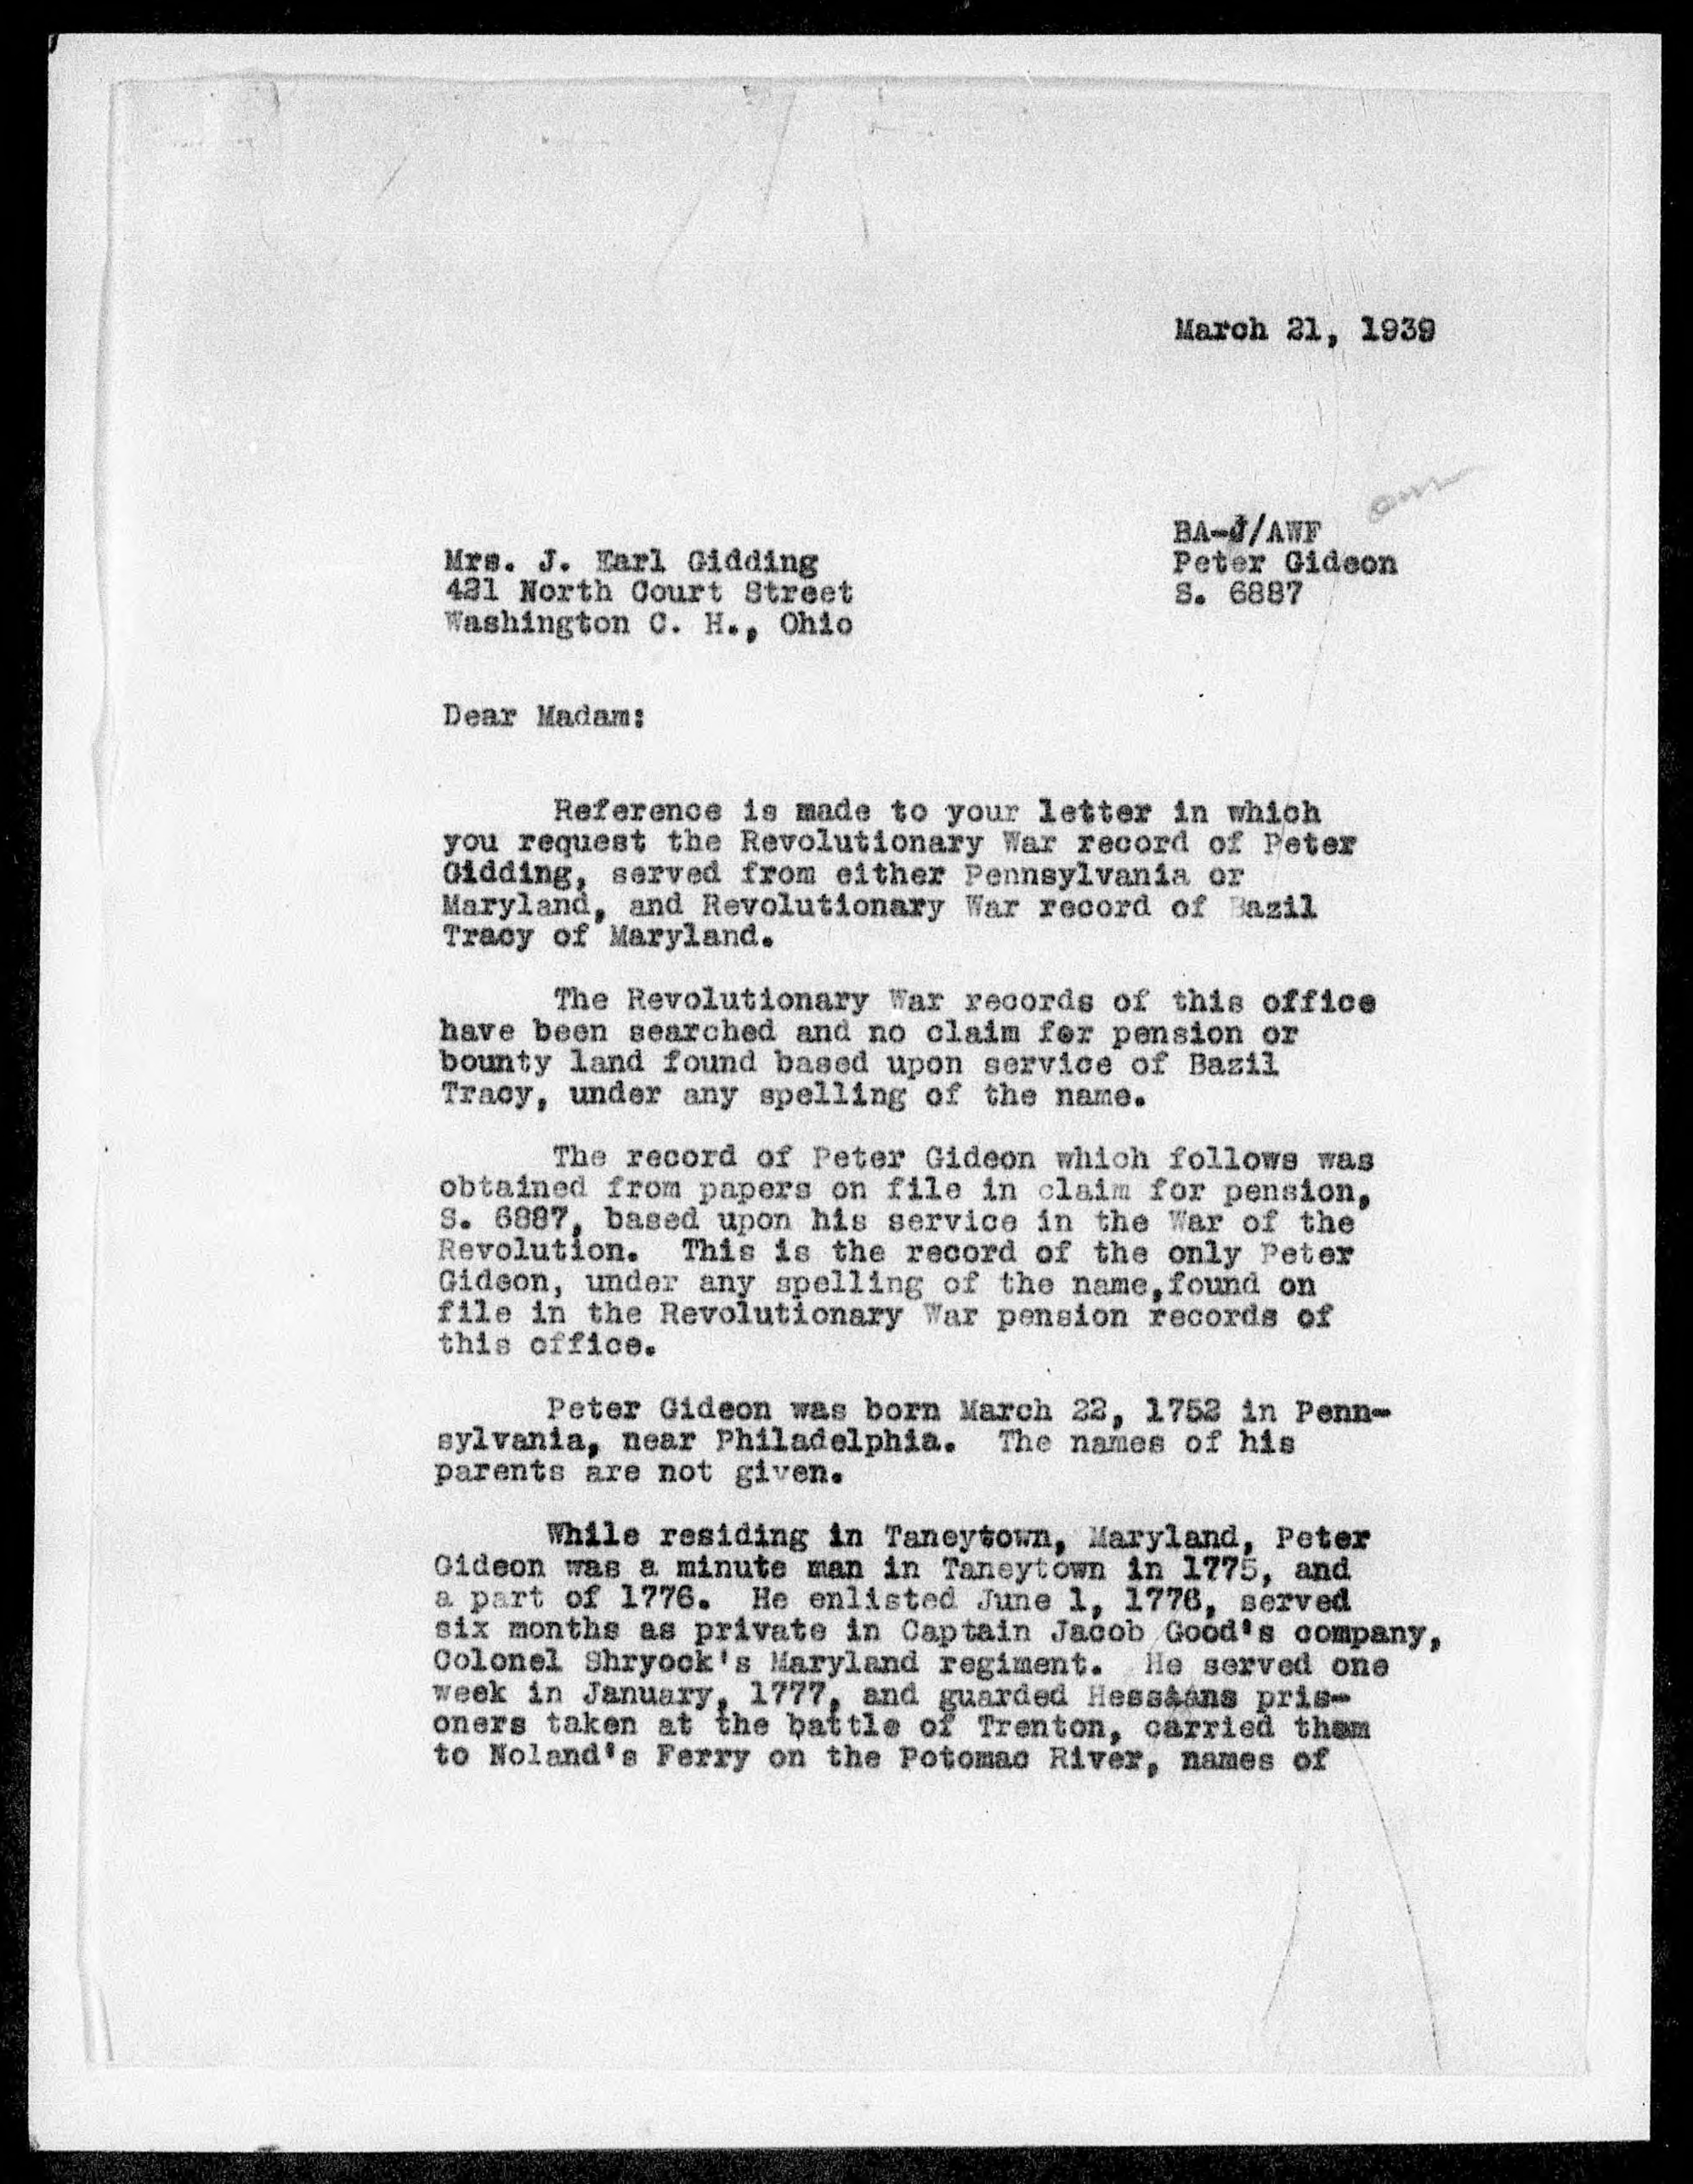March 21, 1939

BA-J/AWF
Peter Gideon
S. 6887

Mrs. J. Earl Gidding
421 North Court Street
Washington C. H., Ohio
Dear Madam:


Reference is made to your letter in which
you request the Revolutionary War record of Peter Gidding, served from either Pennsylvania or Maryland, and Revolutionary War record of Bazil Tracy of Maryland.
The Revolutionary War records of this office
have been searched and no claim for pension or
bounty land found based upon service of Bazil
Tracy, under any spelling of the name.
The record of Peter Gideon which follows was
obtained from papers on file in claim for pension, S. 6887, based upon his service in the War of the Revolution. This is the record of the only Peter Gideon, under any spelling of the name, found on file in the Revolutionary War pension records of this office.

Peter Gideon was born March 22, 1752 in Penn
sylvania, near Philadelphia. The names of his
parents are not given.

While residing in Taneytown, Maryland, Peter
Gideon was a minute man in Taneytown in 1775, and a part of 1776. He enlisted June 1, 1776, served six months as private in Captain Jacob Good's company, Colonel Shryock's Maryland regiment. He served one week in January, 1777, and guarded Hessians prisoners taken at the battle of Trenton, carried them to Noland's Ferry on the Potomac River, names of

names: Bazil Tracy, Peter Gidding, J Earl Gidding, Bazil Tracy, Peter Gideon, Peter Gideon, Peter Gideon, Peter Gideon, Peter Gideon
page: 13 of 64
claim: survivor's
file: S. 6887, Peter Gideon, Md.